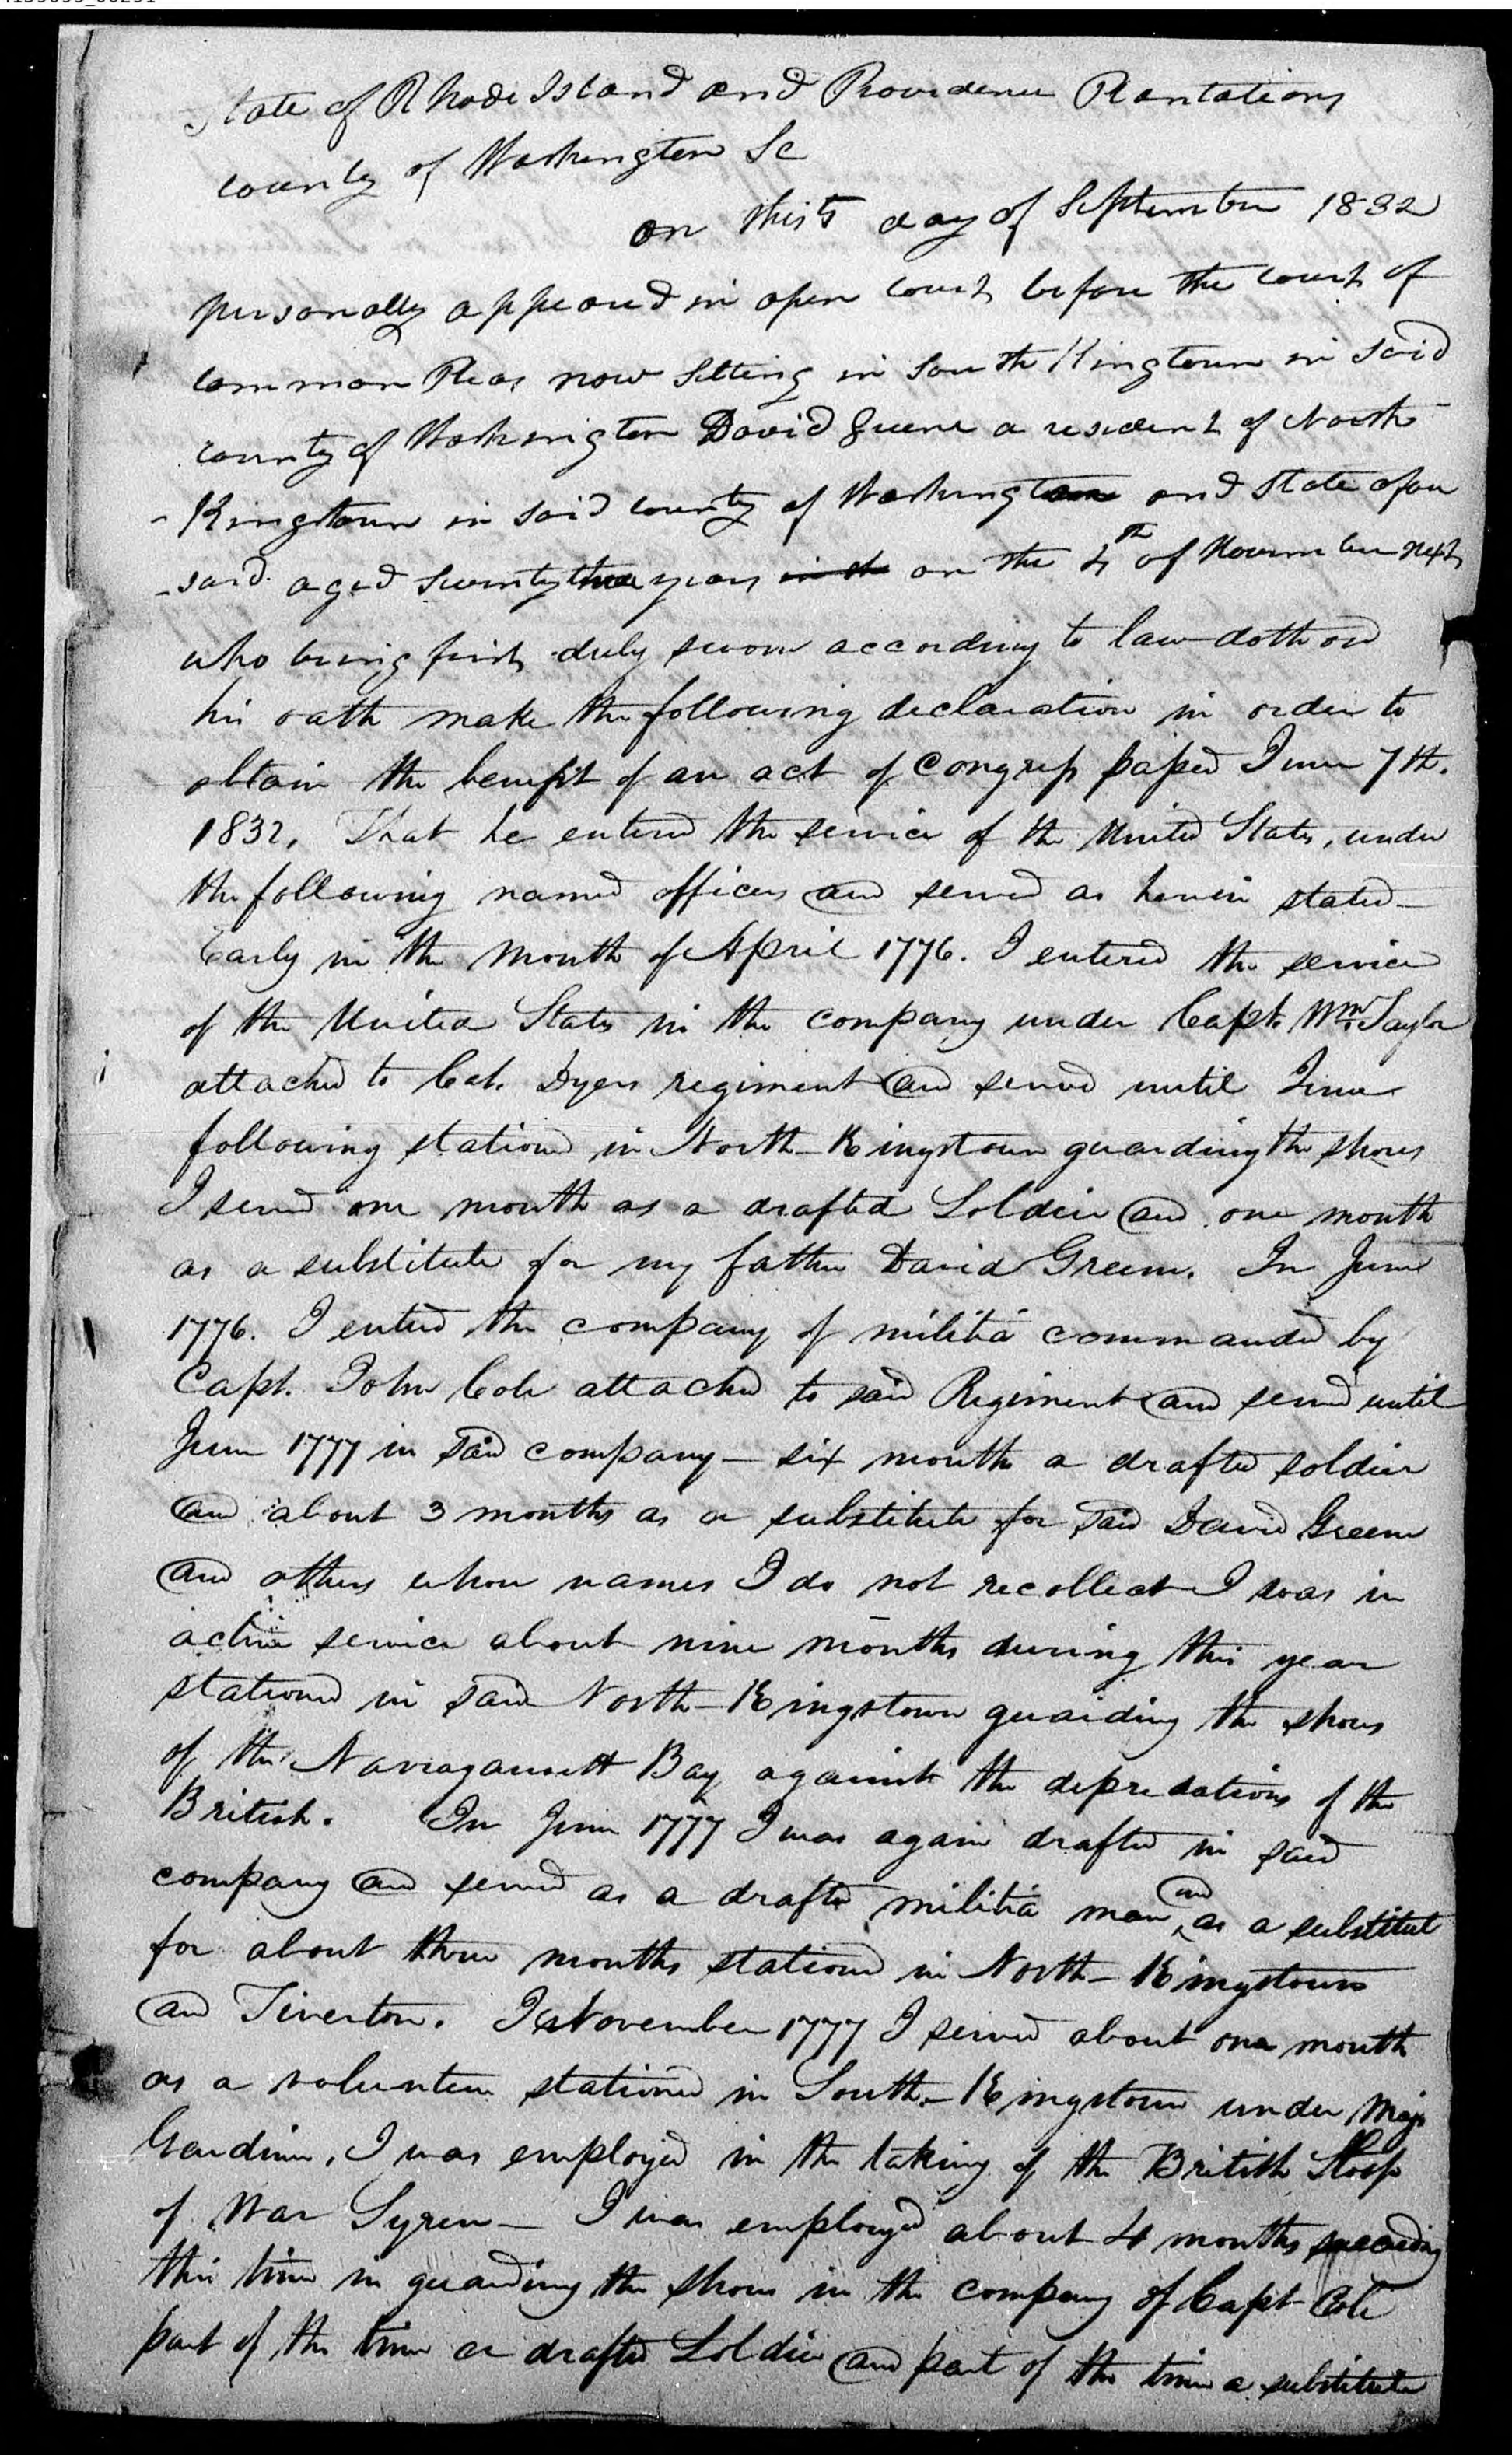State of Rhode Island and Providence Plantation
County of Washington Ss.

On this day of September 1832 personally appeared in open court before the court of Common Pleas now sitting in South Kingston in said County of Washington David Greene a resident of North Kingstown in said County of Washington and state aforesaid aged seventy three years [crossed out] on the 4th of November next who being duly sworn according to law and doth on his oath make the following declaration in order to obtain the benefit of an act of Congress papered June 7th 1832, That he entered the service of the United States, under the following named officers and served as herein states early in the month of April 1776. I entered the service of the United States in the company of Capt. Wm. Taylor attached to Col Dyers regiment and served until June the following stationed in North Kingstown guarding the shores I served one month as a drafted soldier and one month as a substitute for my father David Greene. In June 1776 in said company - six months a drafted soldier and about 3 months as a substitute for said David Green and others whose names I do not recollect I was in active service about nine months during this year stationed in said North Kingstown guarding the shores of the Narragansett Bay against the depredations of the British. In June 1777 I was again drafted in said company and served as a drafted militia man and as a substitute for about three months stationed in North Kingstown and Tiverton. In November 1777 I served about one month as a volunteer stationed in South Kingstown under Major Gardiner, I was employed in the taking of the British Sloop of War Syren - I was employed  about 4 months spending this time in guarding the shores in the company of Captain Cole part of time a drafted soldier and part of the time a substitute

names: David Greene, Cole, Gardiner, Wm Taylor, David Greene, John Cole, David Greem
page: 9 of 27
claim: survivor's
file: S. 21,245, David Greene, R.I.